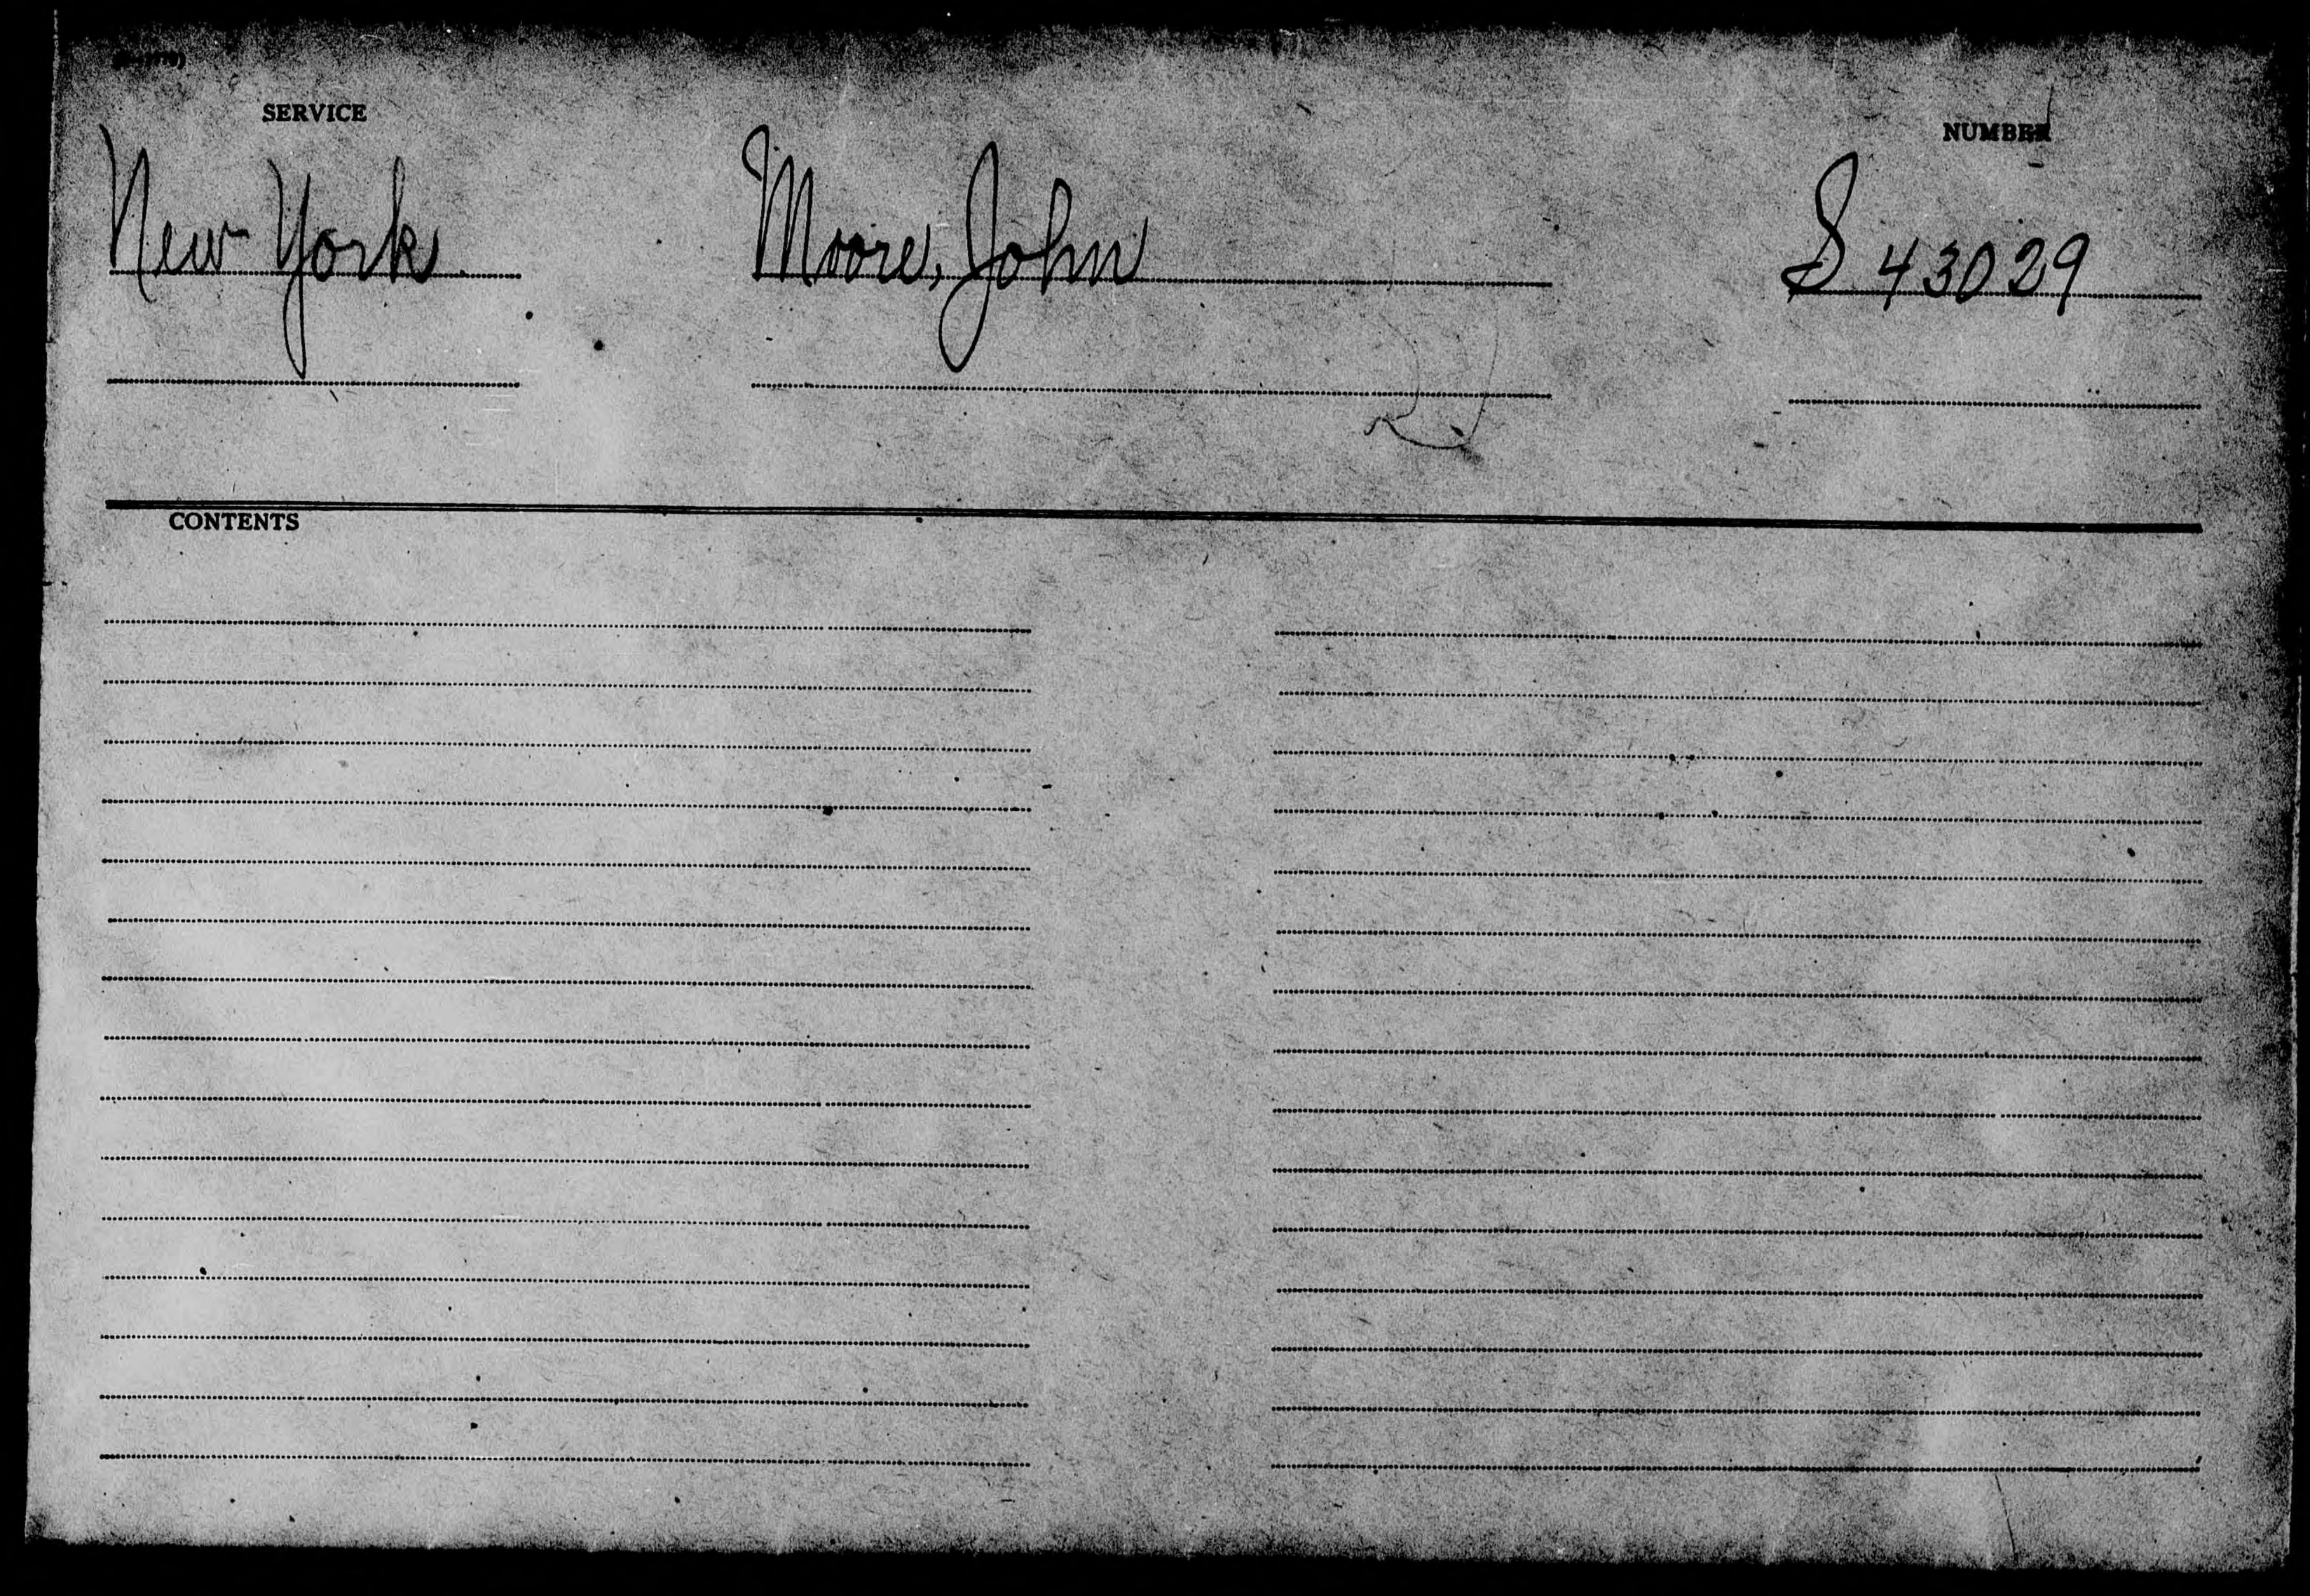SERVICE  New York
Moore, John
NUMBER  S.43029
___________________
CONTENTS  [blank]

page: 1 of 15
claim: survivor's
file: S. 43029, for John Moore, New York